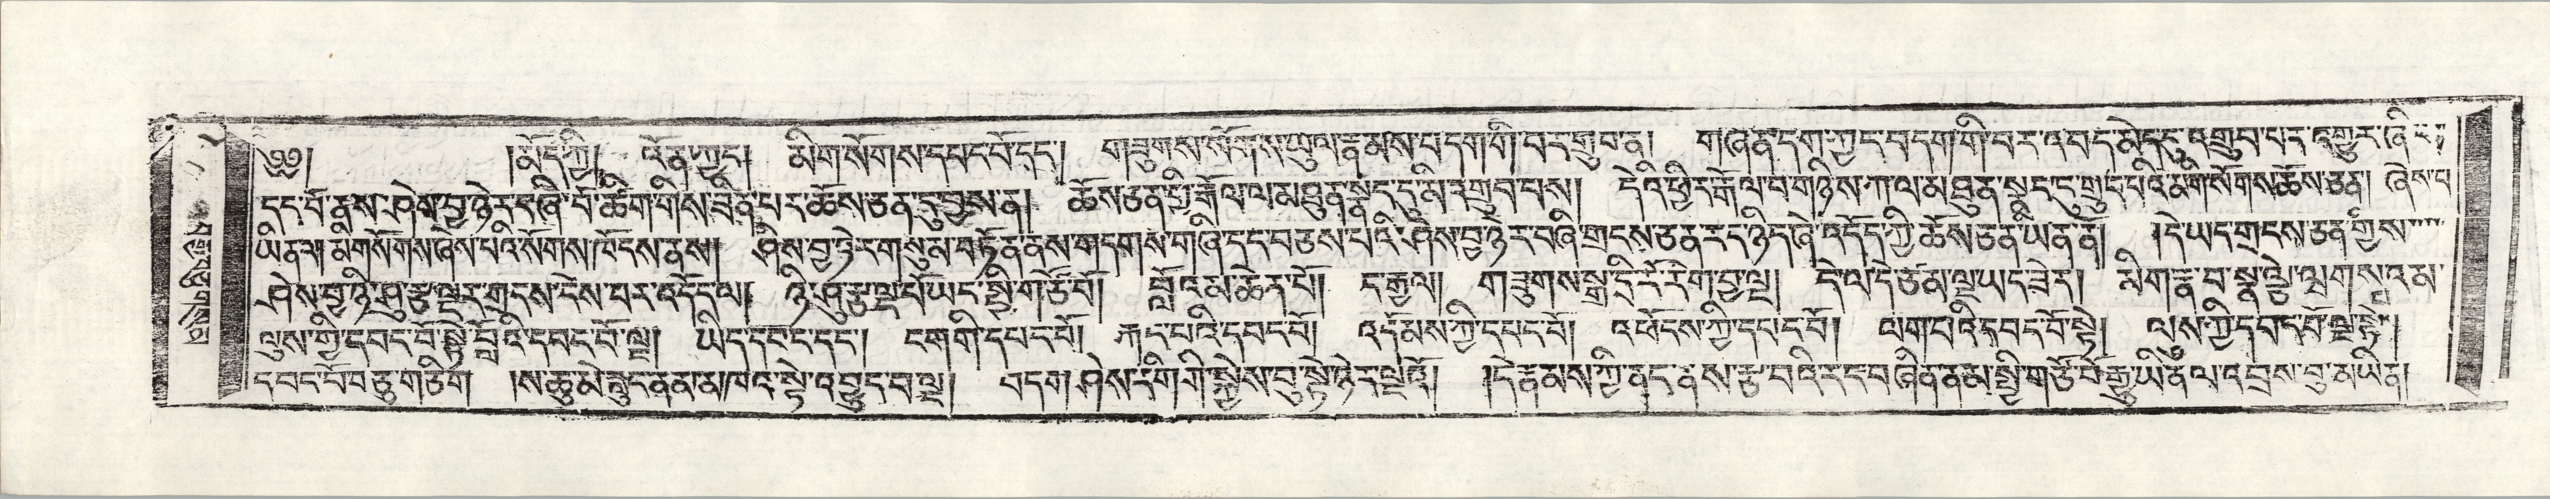༄༅། །མོད་ཀྱི། འོན་ཀྱང་། མིག་སོགས་དབང་བོ་དང་། གཟུགས་སོགས་ཡུལ་རྣམས་བདག་གི་བར་གྲུབ་ན། གཞན་དག་ཀྱང་བདག་གི་བར་འབད་མེད་དུ་འགྲུབ་པར་འགྱུར་ཞིང་།
དང་པོ་ནས་ཤེས་བྱ་ཉེར་བཞི་བོ་ཚིག་གིས་ཟིན་པར་ཆོས་ཅན་དུ་བྱས་ན། ཆོས་ཅན་ཕྱི་རྒོལ་ལ་མཐུན་སྣང་དུ་མི་འགྲུབ་པས། དེའི་ཕྱིར་རྒོལ་བ་གཉིས་ཀ་ལ་མཐུན་སྣང་དུ་གྲུབ་པའི་མིག་སོགས་ཆོས་ཅན། ཞེས་པ་
ཡིན་ལ། མིག་སོགས་ཞེས་པའི་སོགས་ཁོངས་ནས། ཤེས་བྱ་ཉེར་གསུམ་བཏོན་ནས་གདགས་གཞི་དང་བཅས་པའི་ཤེས་བྱ་ཉེར་བཞི་གྲངས་ཅན་རང་ཉིད་ཞེ་འདོད་ཀྱི་ཆོས་ཅན་ཡིན་ནོ། །དེ་ཡང་གྲངས་ཅན་གྱིས་
ཤེས་བྱ་ཉི་ཤུ་རྩ་ལྔར་གྲངས་ངེས་པར་འདོད་ལ། ཉི་ཤུ་རྩ་ལྔ་བོ་ཡང་སྤྱི་གཙོ་བོ། བློའམ་ཆེན་པོ། ང་རྒྱལ། གཟུགས་སྒྲ་དྲི་རོ་རེག་བྱ་ལྔ། དེ་ལ་དེ་ཙམ་ལྔ་ཡང་ཟེར། མིག་རྣ་བ་སྣ་ལྕེ་པགས་པའམ་
ལུས་ཀྱི་དབང་བོ་སྟེ་བློའི་དབང་བོ་ལྔ། ཡིད་དབང་དང་། ངག་གི་དབང་བོ། རྐང་བའི་དབང་བོ། འདོམས་ཀྱི་དབང་བོ། འཕོངས་ཀྱི་དབང་བོ། ལག་པའི་དབང་བོ་སྟེ། ལུས་ཀྱི་དབང་བོ་ལྔ་སྟེ།
དབང་བོ་བཅུ་གཅིག །ས་ཆུ་མེ་རླུང་ནམ་མཁའ་སྟེ་འབྱུང་བ་ལྔ། བདག་ཤེས་རིག་གི་སྐྱེས་བུ་སྟེ་ཉེར་ལྔའོ། །དེ་རྣམས་ཀྱི་ནང་ནས་རྩ་བའི་རང་བཞིན་ནམ་སྤྱི་གཙོ་བོ་རྒྱུ་ཡིན་ལ་འབྲས་བུ་མ་ཡིན།